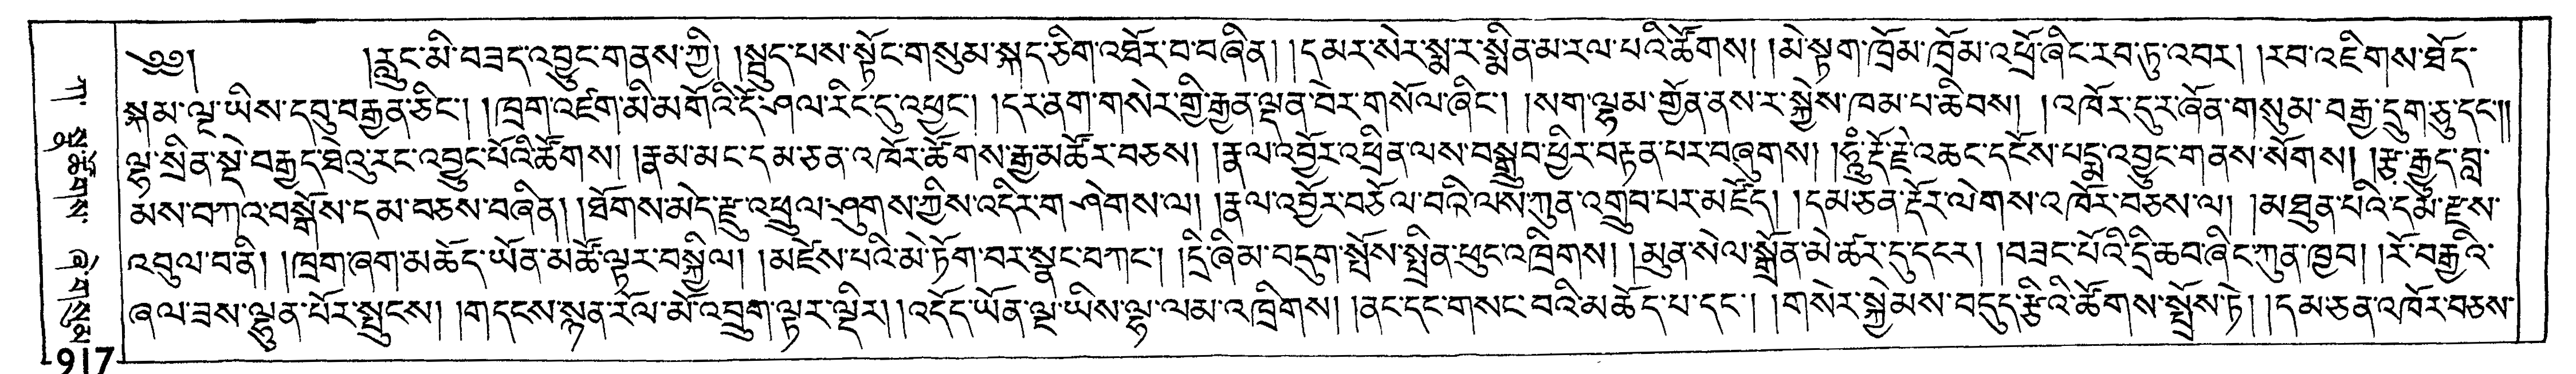༄༅། །རླུང་མི་བཟད་འབྱུང་གནས་ཀྱི། །སྦུད་པས་སྟོང་གསུམ་སྐད་ཅིག་འཐོར་བ་བཞིན། །དམར་སེར་སྨ་ར་སྨིན་མ་རལ་པའི་ཚོགས། །མེ་སྟག་ཁྲོམ་ཁྲོམ་འཕྲོ་ཞིང་རབ་ཏུ་འབར། །རབ་འཇིགས་ཐོད་
སྐམ་ལྔ་ཡིས་དབུ་བརྒྱན་ཅིང་། །ཁྲག་འཛག་མི་མགོའི་དོ་ཤལ་རིང་དུ་འཕྱང་། །དར་ནག་གསེར་གྱི་རྒྱན་ལྡན་བེར་གསོལ་ཞིང་། །སག་ལྷམ་གྱོན་ནས་ར་སྐྱེས་ཁམ་པ་ཆིབས། །འཁོར་དུ་ར་ཞོན་གསུམ་བརྒྱ་དྲུག་ཅུ་དང་། །
ལྷ་སྲིན་སྡེ་བརྒྱད་ཐེའུ་རང་འབྱུང་པོའི་ཚོགས། །རྣམ་མང་དམ་ཅན་འཁོར་ཚོགས་རྒྱ་མཚོར་བཅས། །རྣལ་འབྱོར་འཕྲིན་ལས་བསྒྲུབ་ཕྱིར་བརྟན་པར་བཞུགས། །ཧཱུཾ་རྡོ་རྗེ་འཆང་དངོས་པདམ་འབྱུང་གནས་སོགས། །རྩ་རྒྱུད་བླ་
མས་བཀའ་བསྒོས་དམ་བཅས་བཞིན། །ཐོགས་མེད་རྫུ་འཕྲུལ་ཤུགས་ཀྱིས་འདིར་གཤེགས་ལ། །རྣལ་འབྱོར་བཅོལ་བའི་ལས་ཀུན་འགྲུབ་པར་མཛོད། །དམ་ཅན་རྡོར་ལེགས་འཁོར་བཅས་ལ། །མཐུན་པའི་དམ་རྫས་
འབུལ་བ་ནི། །ཁྲག་ཞག་མཆོད་ཡོན་མཚོ་ལྟར་བསྐྱིལ། །མཛེས་པའི་མེ་ཏོག་བར་སྣང་བཀང་། །དྲི་ཞིམ་བདུག་སྤོས་སྤྲིན་ཕུང་འཁྲིགས། །མུན་སེལ་སྒྲོན་མེ་ཚར་དུ་དངར། །བཟང་པོའི་དྲི་ཆབ་ཞིང་ཀུན་ཁྱབ། །རོ་བརྒྱའི་
ཞལ་ཟས་ལྷུན་པོར་སྤུངས། །གདངས་སྙན་རོལ་མོ་འབྲུག་ལྟར་ལྡིར། །འདོད་ཡོན་ལྔ་ཡིས་ལྷ་ལམ་འཁྲིགས། །ནང་དང་གསང་བའི་མཆོད་པ་དང་། །གསེར་སྐྱེམས་བདུད་རྩིའི་ཚོགས་སྤྲོས་ཏེ། །དམ་ཅན་འཁོར་བཅས་